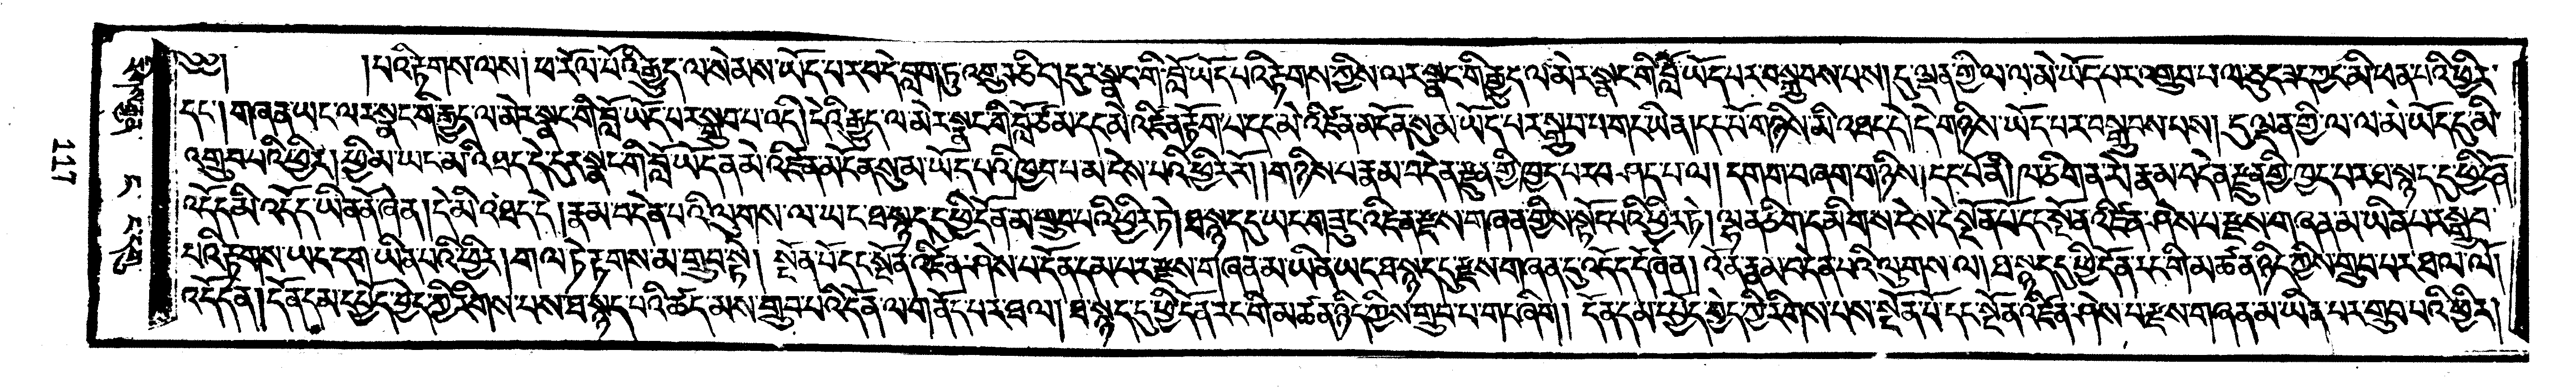༄༅། །པའི་རྟགས་ལས། ཕ་རོལ་པོའི་རྒྱུད་ལ་སེམས་ཡོད་པར་བདེ་བླག་ཏུ་འགྲུབ་ཅིང་། དུར་སྣང་གི་བློ་ཡོད་པའི་རྟགས་ཀྱིས་ལར་སྣང་གི་རྒྱུད་ལ་མེར་སྣང་གི་བློ་ཡོད་པར་བསྒྲུབས་པས། དུ་ལྡན་གྱི་ལ་ལ་མེ་ཡོད་པར་འགྲུབ་པ་ལ་ཅུང་ཟད་ཀྱང་མི་ཕན་པའི་ཕྱིར་
དང་། གཞན་ཡང་ལར་སྣང་གི་རྒྱུད་ལ་མེར་སྣང་གི་བློ་ཡོད་པར་སྒྲུབ་པ་འདི། དེའི་རྒྱུད་ལ་མེར་སྣང་གི་བློ་ཙམ་དང་མེ་འཛིན་རྟོག་པ་དང་མེ་འཛིན་མངོན་སུམ་ཡོད་པར་སྒྲུབ་པ་གང་ཡིན། དང་པོ་གཉིས་མི་འཐད་དེ། དེ་གཉིས་ཡོད་པར་བསྒྲུབས་པས། དུ་ལྡན་གྱི་ལ་ལ་མེ་ཡོད་དུ་མི་
འགྲུབ་པའི་ཕྱིར། ཕྱི་མ་ཡང་མི་འཐད་དེ་དུར་སྣང་གི་བློ་ཡོད་ན་མེ་འཛིན་མངོན་སུམ་ཡོད་པའི་ཁྱབ་པ་མ་ངེས་པའི་ཕྱིར་རོ། །གཉིས་པ་རྣམ་བདེན་རྫུན་གྱི་ཁྱད་པར་བཤད་པ་ལ། དགག་བཞག་གཉིས། དང་པོ་ནི། ཁ་ཅིག་ན་རེ། རྣམ་བདེན་རྫུན་གྱི་ཁྱད་པར་ཐ་སྙད་དུ་ཕྱི་དོན་
འདོད་མི་འདོད་ཡིན་ནོ་ཞེ་ན། དེ་མི་འཐད་དེ། རྣམ་བདེན་པའི་ལུགས་ལ་ཡང་ཐ་སྙད་དུ་ཕྱི་དོན་མ་གྲུབ་པའི་ཕྱིར་ཏེ། ཐ་སྙད་དུ་ཡང་གཟུང་འཛིན་རྫས་གཞན་གྱིས་སྟོང་པའི་ཕྱིར་ཏེ། ལྷན་ཅིག་དམིགས་ངེས་དེ་སྔོན་པོ་དང་སྔོན་འཛིན་ཤེས་པ་རྫས་གཞན་མ་ཡིན་པར་སྒྲུབ་
པའི་རྟགས་ཡང་དག་ཡིན་པའི་ཕྱིར། གལ་ཏེ་རྟགས་མ་གྲུབ་སྟེ། སྔོན་པོ་དང་སྔོན་འཛིན་ཤེས་པ་དོན་དམ་པར་རྫས་གཞན་མ་ཡིན་ཡང་ཐ་སྙད་དུ་རྫས་གཞན་དུ་འདོད་དོ་ཞེ་ན། འོ་ན་རྣམ་བདེན་པའི་ལུགས་ལ། ཐ་སྙད་དུ་ཕྱི་དོན་རང་གི་མཚན་ཉིད་ཀྱིས་གྲུབ་པར་ཐལ་ལོ།།
འདོད་ན། དོན་དམ་དཔྱོད་བྱེད་ཀྱི་རིགས་པས་ཐ་སྙད་པའི་ཚད་མས་གྲུབ་པའི་དོན་ལ་གནོད་པར་ཐལ། ཐ་སྙད་དུ་ཕྱི་དོན་རང་གི་མཚན་ཉིད་ཀྱིས་གྲུབ་པ་གང་ཞིག ། དོན་དམ་དཔྱོད་བྱེད་ཀྱི་རིགས་པས་སྔོན་པོ་དང་སྔོན་འཛིན་ཤེས་པ་རྫས་གཞན་མ་ཡིན་པར་གྲུབ་པའི་ཕྱིར།